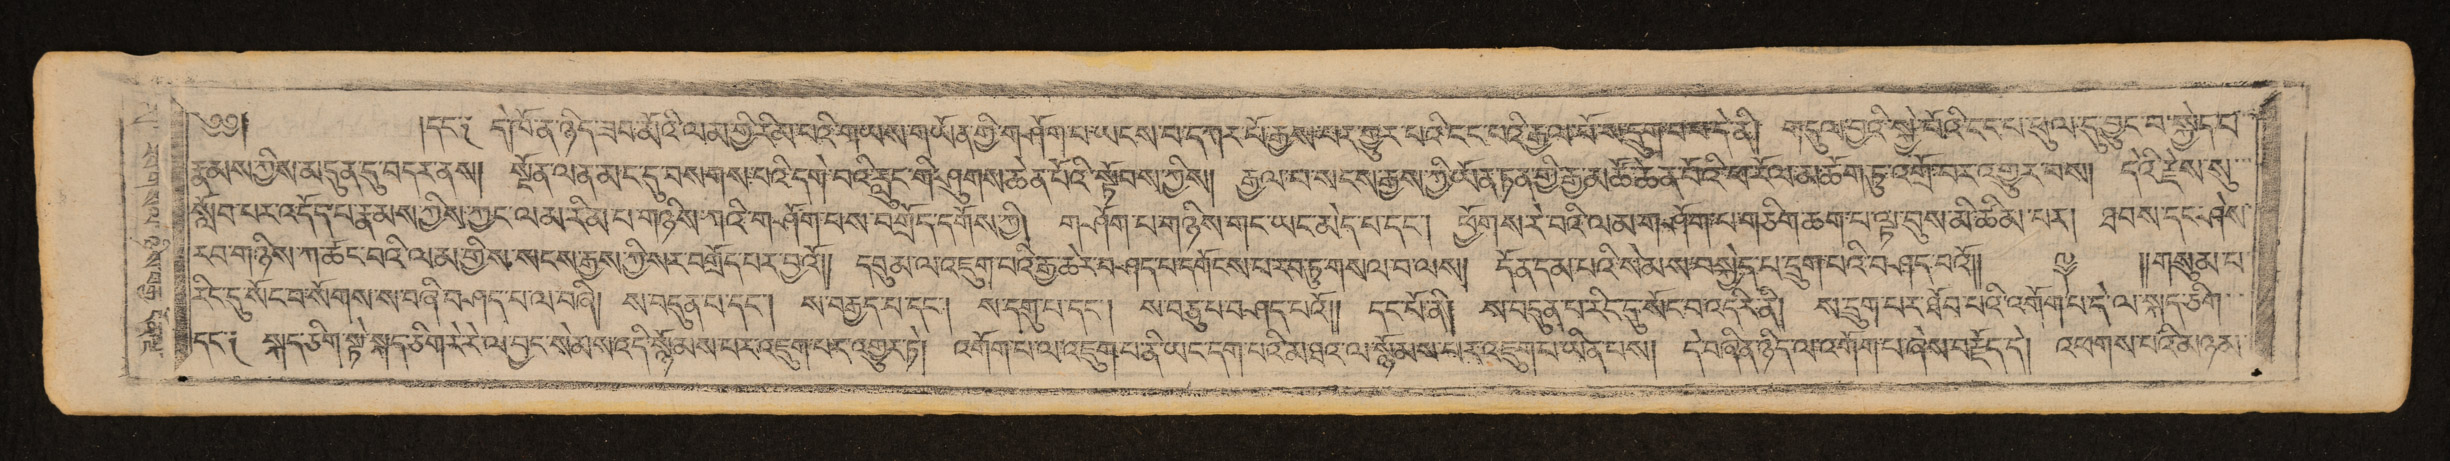༄༅། །དང༑ དེ་ཁོ་ན་ཉིད་ཟབ་མོའི་ལམ་གྱི་རིམ་པའི་གཡས་གཡོན་གྱི་གཤོག་པ་ཡངས་པ་དཀར་པོ་རྒྱས་པར་གྱུར་པའི་ངང་པའི་རྒྱལ་པོ་ས་དྲུག་པ་བ་དེ་ནི། གདུལ་བྱའི་སྐྱེ་བོའི་ངང་པ་ཕུལ་དུ་བྱུང་བ་སྐྱེད་པ་
རྣམས་ཀྱིས་མདུན་དུ་བདར་ནས། སྔོན་ལན་མང་དུ་བསགས་པའི་དགེ་བའི་རླུང་གི་ཤུགས་ཆེན་པོའི་སྟོབས་ཀྱིས། །རྒྱལ་བ་སངས་རྒྱས་ཀྱི་ཡོན་ཏན་གྱི་རྒྱ་མཚོ་ཆེན་པོའི་ཕ་རོལ་མཆོག་ཏུ་འགྲོ་བར་འགྱུར་བས། དེའི་རྗེས་སུ་
སློབ་པར་འདོད་པ་རྣམས་ཀྱིས་ཀྱང་ལམ་རིམ་པ་གཉིས་ཀའི་གཤོག་པས་བགྲོད་དགོས་ཀྱི། གཤོག་པ་གཉིས་གང་ཡང་མེད་པ་དང་། ཕྱོགས་རེ་བའི་ལམ་གཤོག་པ་གཅིག་ཆག་པ་ལྟ་བུས་མི་ཚིམ་པར། ཐབས་དང་ཤེས་
རབ་གཉིས་ཀ་ཚང་བའི་ལམ་གྱིས་སངས་རྒྱས་ཀྱི་སར་བགྲོད་པར་བྱའོ།། དབུ་མ་ལ་འཇུག་པའི་རྒྱ་ཆེར་བཤད་པ་དགོངས་པ་རབ་ཏུ་གསལ་བ་ལས། དོན་དམ་པའི་སེམས་བསྐྱེད་པ་དྲུག་པའི་བཤད་པའོ།། ༈ །།གསུམ་པ་
རིང་དུ་སོང་བ་སོགས་ས་བཞི་བཤད་པ་ལ་བཞི། ས་བདུན་པ་དང་། ས་བརྒྱད་པ་དང་། ས་དགུ་པ་དང་། ས་བཅུ་པ་བཤད་པའོ།། དང་པོ་ནི། ས་བདུན་པ་རིང་དུ་སོང་བ་འདིར་ནི། ས་དྲུག་པར་ཐོབ་པའི་འགོག་པ་དེ་ལ་སྐད་ཅིག་
དང༑ སྐད་ཅིག་སྟེ་སྐད་ཅིག་རེ་རེ་ལ་བྱང་སེམས་འདི་སྙོམས་པར་འཇུག་པར་འགྱུར་ཏེ། འགོག་པ་ལ་འཇུག་པ་ནི་ཡང་དག་པའི་མཐའ་ལ་སྙོམས་པར་འཇུག་པ་ཡིན་པས། དེ་བཞིན་ཉིད་ལ་འགོག་པ་ཞེས་བརྗོད་དེ། འཕགས་པའི་མཉམ་